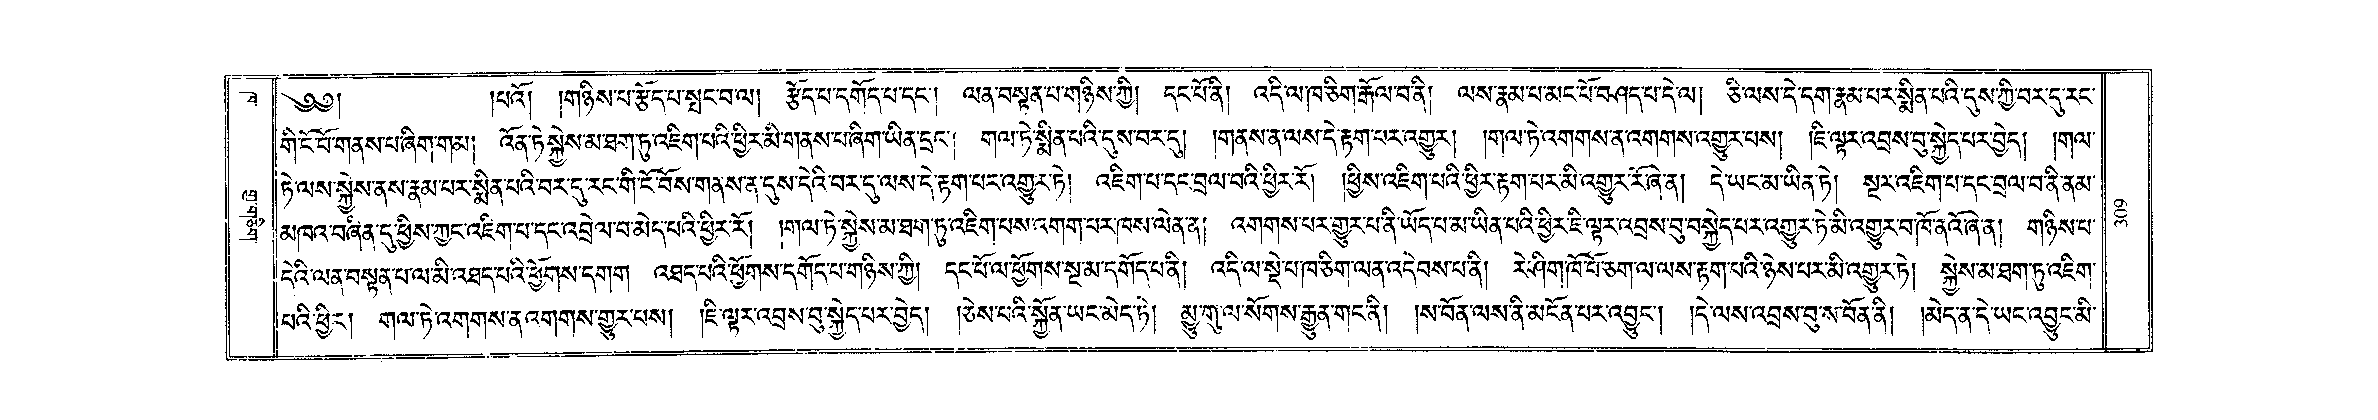༄༅། །པའོ། །གཉིས་པ་རྩོད་པ་སྤང་བ་ལ། རྩོད་པ་དགོད་པ་དང་། ལན་བསྟན་པ་གཉིས་ཀྱི། དང་པོ་ནི། འདི་ལ་ཁ་ཅིག་རྒོལ་བ་ནི། ལས་རྣམ་པ་མང་པོ་བཤད་པ་དེ་ལ། ཅི་ལས་དེ་དག་རྣམ་པར་སྨིན་པའི་དུས་ཀྱི་བར་དུ་རང་
གི་ངོ་བོ་གནས་པ་ཞིག་གམ། འོན་ཏེ་སྐྱེས་མ་ཐག་ཏུ་འཇིག་པའི་ཕྱིར་མི་གནས་པ་ཞིག་ཡིན་དྲང་། གལ་ཏེ་སྨིན་པའི་དུས་བར་དུ། །གནས་ན་ལས་དེ་རྟག་པར་འགྱུར། །གལ་ཏེ་འགགས་ན་འགགས་འགྱུར་པས། །ཇི་ལྟར་འབྲས་བུ་སྐྱེད་པར་བྱེད། །གལ་
ཏེ་ལས་སྐྱེས་ནས་རྣམ་པར་སྨིན་པའི་བར་དུ་རང་གི་ངོ་བོས་གནས་ན་དུས་དེའི་བར་དུ་ལས་དེ་རྟག་པར་འགྱུར་ཏེ། འཇིག་པ་དང་བྲལ་བའི་ཕྱིར་རོ། །ཕྱིས་འཇིག་པའི་ཕྱིར་རྟག་པར་མི་འགྱུར་རོ་ཞེ་ན། དེ་ཡང་མ་ཡིན་ཏེ། སྔར་འཇིག་པ་དང་བྲལ་བ་ནི་ནམ་
མཁའ་བཞིན་དུ་ཕྱིས་ཀྱང་འཇིག་པ་དང་འབྲེལ་བ་མེད་པའི་ཕྱིར་རོ། །གལ་ཏེ་སྐྱེས་མ་ཐག་ཏུ་འཇིག་པས་འགག་པར་ཁས་ལེན་ན། འགགས་པར་གྱུར་པ་ནི་ཡོད་པ་མ་ཡིན་པའི་ཕྱིར་ཇི་ལྟར་འབྲས་བུ་བསྐྱེད་པར་འགྱུར་ཏེ་མི་འགྱུར་བ་ཁོ་ནའོ་ཞེ་ན། གཉིས་པ་
དེའི་ལན་བསྟན་པ་ལ་མི་འཐད་པའི་ཕྱོགས་དགག་འཐད་པའི་ཕྱོགས་དགོད་པ་གཉིས་ཀྱི། དང་པོ་ལ་ཕྱོགས་སྔ་མ་དགོད་པ་ནི། འདི་ལ་སྡེ་པ་ཁ་ཅིག་ལན་འདེབས་པ་ནི། རེ་ཤིག་ཁོ་བོ་ཅག་ལ་ལས་རྟག་པའི་ཉེས་པར་མི་འགྱུར་ཏེ། སྐྱེས་མ་ཐག་ཏུ་འཇིག་
པའི་ཕྱིར། གལ་ཏེ་འགགས་ན་འགགས་གྱུར་པས། །ཇི་ལྟར་འབྲས་བུ་སྐྱེད་པར་བྱེད། །ཅེས་པའི་སྐྱོན་ཡང་མེད་ཏེ། མྱུ་གུ་ལ་སོགས་རྒྱུན་གང་ནི། །ས་བོན་ལས་ནི་མངོན་པར་འབྱུང་། །དེ་ལས་འབྲས་བུ་ས་བོན་ནི། །མེད་ན་དེ་ཡང་འབྱུང་མི་